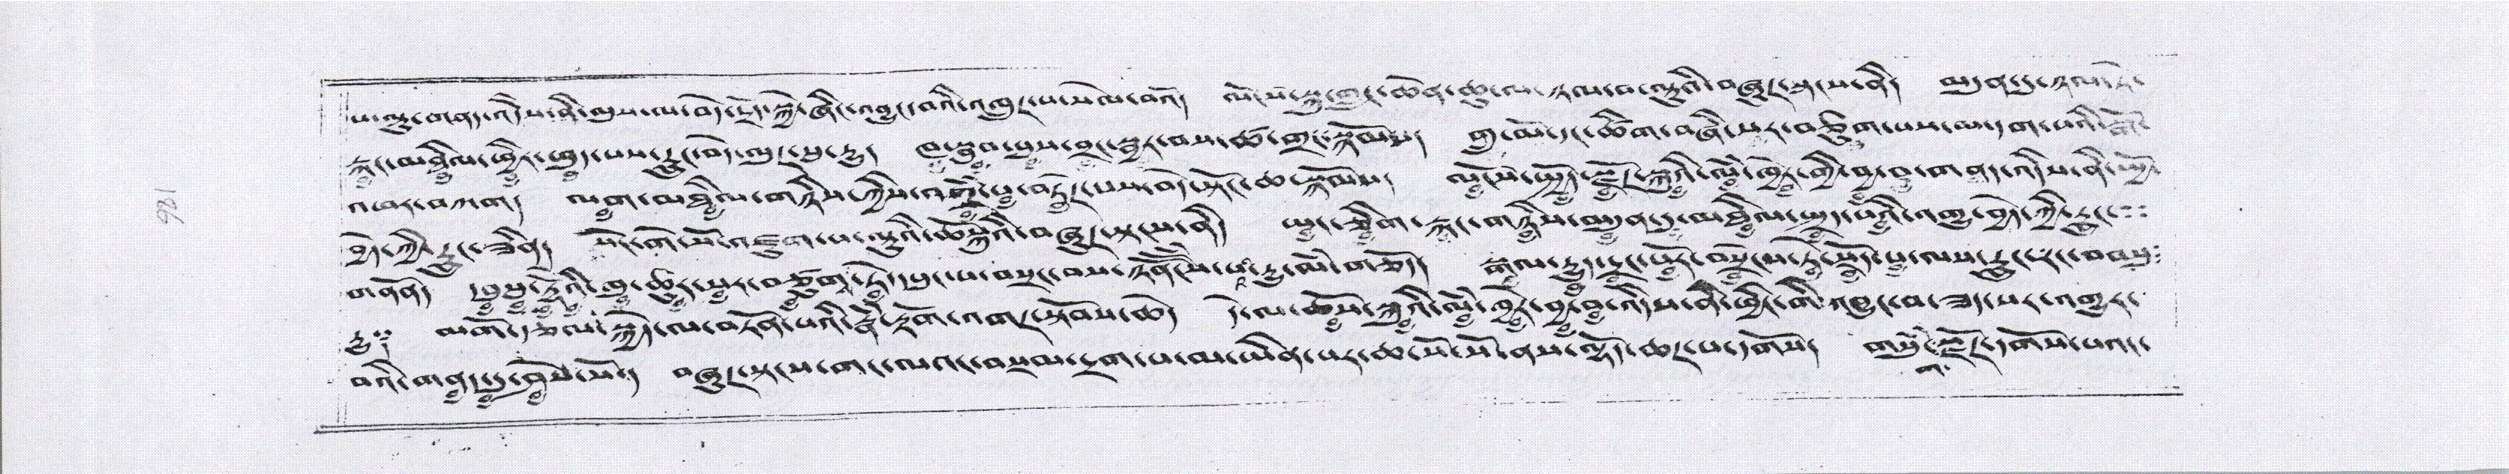པ་ལྟ་བུ་གནད་འདིས་ནི་ལུས་ལ་བདེ་དྲོད་སྐྱེ་ཞིང་འབྱུང་བའི་འཁྲུགས་པ་སེལ་བའོ། ལོངས་སྐུ་གླང་ཆེན་ཆུ་ལ་ཉལ་བ་ལྟ་བུའི་བཞུགས་སྟངས་ནི། མདུན་དུ་ཉལ་ཏེ་
རྐང་མཐིལ་ཕྱིར་ཕུད་པས་རླུང་བདེ་ལུགས་སུ་རྒྱུ། ཁ་སྦུབས་པུས་བྲང་སྦྱར་བས་ཚ་གྲང་སྙོམ། གྲུ་མོ་དང་ཚིགས་བཞི་སར་བཙུགས་པས་མ་དག་པའི་སྒོ་
འཕར་བཀག ལག་མཐིལ་གཉིས་ཀྱིས་འགྲམ་པ་བཏེགས་པས་བདེ་སྟོང་ཆ་སྙོམས། ལོངས་སྤྱོད་རྫོགས་སྐུའི་ལམ་ཁྱེར་གྱི་བྱ་བ་གནད་འདིས་ནི་གཡོ་
བྱེད་ཀྱི་རླུང་ཟིན། སེང་གེ་སོ་འཛུགས་པ་ལྟ་བུའི་ཆོས་སྐུའི་བཞུགས་སྟངས་ནི། ཡང་ཅིག་རྐང་གཉིས་མདུན་དུ་མཐིལ་སྤྲད་པའི་འཇུ་བྱེད་ཀྱི་རླུང་
གནོན། དབུས་སུ་རྡོ་རྗེའི་ཁུ་ཚུར་སར་བཙུགས་ཏེ་དཔུང་པ་བསྲང་བས་ཉོན་མོངས་པའི་རྒྱུ་ལམ་གཅོད། སྒལ་རྒྱུད་དྲང་པོར་བསྲོང་སྟེ་སྡོད་པ་ལས་རླུང་རང་བབས་སུ་
རྒྱུ། མགོ་རྩལ་བསྐྱེད་ལ་བཏོན་པའི་རྣམ་རྟོག་འགག་སྟོབས་ཆེ། དེ་ལ་ཆོས་སྐུའི་ལམ་ཁྱེར་བྱ་བ་འདིས་ནི་ཕྱི་ནང་གི་འབྱུང་བ་ཟད་པར་འགྱུར་
བའི་གནད་དུ་ཤེས་སོ། བཞུགས་སྟངས་གང་ལའང་བསྡམས་དྲག་པ་མ་ཡིན་པར་ཆ་སོ་སོ་ནས་ལྷོད་ཆགས་པ་དགོས། གསུམ་ག་རྫོགས་དགོས་པའང་